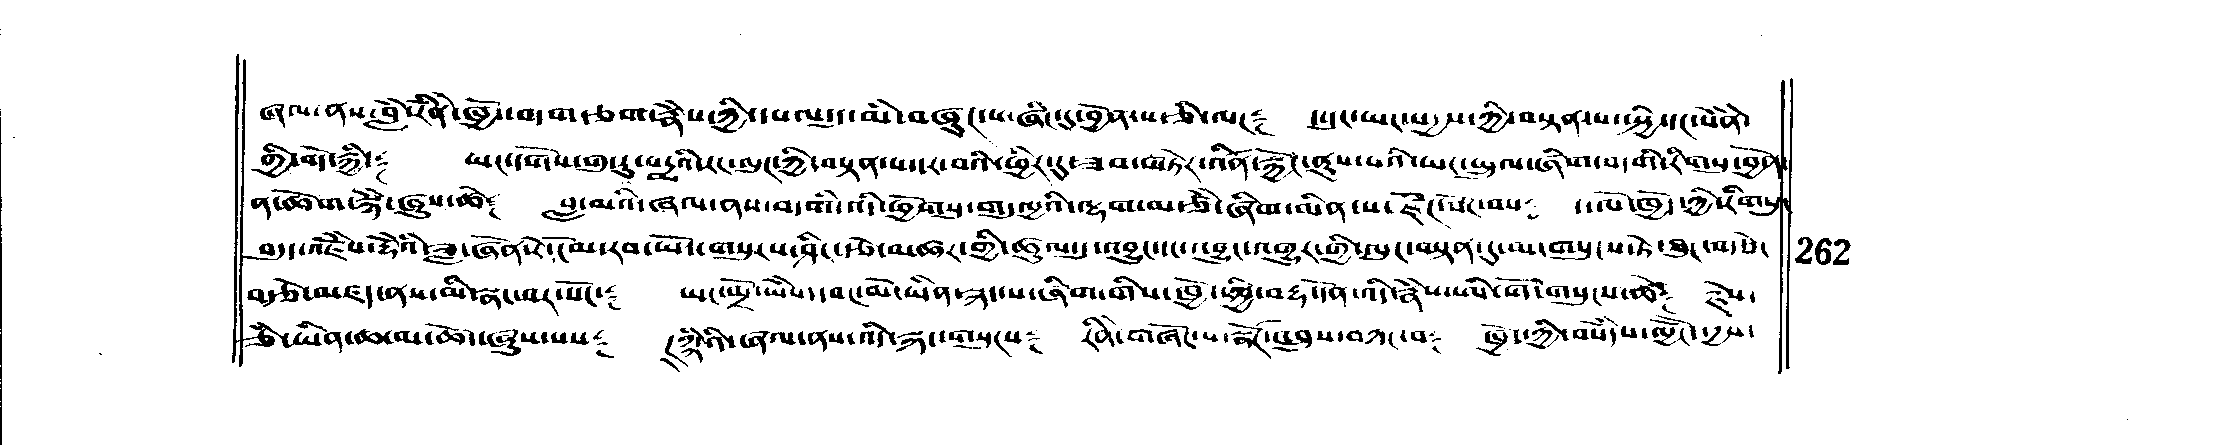ཞལ་ནས་བླ་མ་རིན་པོ་ཆེས་ཁྱོད་བདག་ཅག་རྣམས་ཀྱི་དཔལ་དུ་མི་བཞུགས་པ་ཞིང་དུ་བྱོན་པ་ཅི་ལགས། ད་དུང་སངས་རྒྱས་ཀྱི་བསྟན་པ་སྤྱི་དང་སེམས་ཅན་
གྱི་བདེ་སྐྱིད། ཡང་སྒོས་གུ་རུ་པདྨའི་རང་ལུགས་ཀྱི་བསྟན་པ་དར་བའི་ཕྱིར་དུ་ཟབ་གཏེར་འཛིན་སྐྱོང་ནུས་པའི་ཡང་སྤྲུལ་ཞིག་བདག་གི་རིགས་སུ་བྱོན་
ན་ཆོག་སྙམ་ཞུས་ཚེ། བླ་མའི་ཞལ་ནས་བདག་གི་འདི་ཕྱོགས་སུ་གདུལ་བྱའི་ལྷག་མ་ཙམ་ཞིག་མིན་པ་རྫོགས་སོང་བས། ད་ལོ་ཁྱོད་ཀྱི་རིགས་སུ་
བདུད་འཇོམས་རྡོ་རྗཻའི་ཟླ་ཞོན་དེ་ངོམ་རབ་ཡོད་གསུངས་ཤིང་རྩེད་མཚར་གྱི་ཚུལ་དུ་འབྱུང་དང་འབྱུང་འགྱུར་གྱི་ལུང་བསྟན་དུ་མ་གསུངས་ཏེ་ཐུགས་
བརྩེ་བརྩེ་མཛད་ནས་མི་སྣང་བར་སོང་། ཡང་མཁའ་འགྲོ་ཡེ་ཤེས་དབང་མོ་ཡིན་སྐད་པ་ཞིག་གིས་ཁྱོད་ཀྱི་བརྡ་དོན་འདི་རྣམས་ཨི་གོ་གསུངས་ཚེ།རྗེས་
ཅི་ཡིན་ཆ་མ་ཆོད་ཞུས་པས། ཌཱཀྐིའི་ཞལ་ནས་འདི་སྐད་གསུངས། རིན་ཆེན་གཞོང་པ་སྣ་ཚོགས་འབྲུས་བཀང་བ། །ཁྱོད་ཀྱི་བསོད་ནམས་ལོངས་སྤྱོད་རྒྱས་